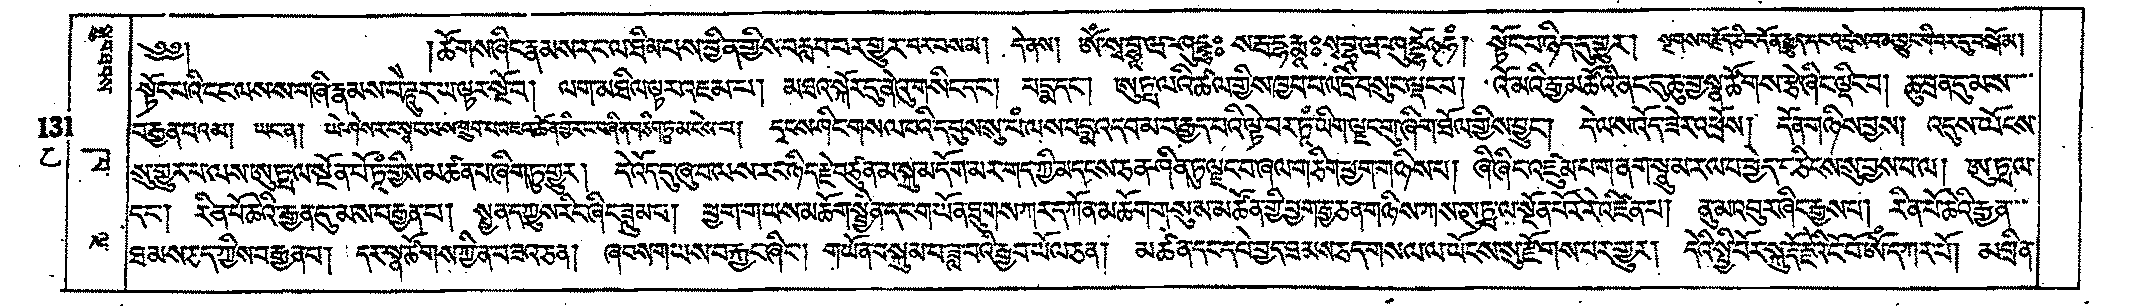༄༅། །ཚོགས་ཞིང་རྣམས་རང་ལ་ཐིམ་པས་བྱིན་གྱིས་བརླབ་པར་གྱུར་པར་བསམ། དེ་ནས།  ཨོཾ་སྭ་བྷཱ་ཝ་ཤུདྡྷཿ སརྦ་དྷ་རྨཱཿ སྭཧཱདྷརྨཱཿསྭབྷཱ་ཝ་ཤུ་དྡྷོ་ཉཧཾ། སྟོང་པ་ཉིད་དུ་གྱུར། སྔགས་བརྗོད་ཅིང་དོན་རྒྱུད་དང་འདྲེས་པ་མ་བྱུང་གི་བར་དུ་བསྒོམ།
སྟོང་པའི་ངང་ལས་ས་གཞི་རྣམས་བཻ་ཌཱུར་ཡ་ལྟར་སྔོ་བ། ལག་མཐིལ་ལྟར་འཇམ་པ། མཐའ་སྐོར་དུ་ནེའུ་གསིང་དང་། པདམ་དང་། ཨུཏྤ་ལའི་ཚལ་གྱིས་ཁྱབ་པ་ལ་དྲི་བསུང་ལྡང་བ། འོ་མའི་རྒྱ་མཚོའི་ནང་དུ་ཆུ་བྱ་སྣ་ཚོགས་རྩེ་ཞིང་ལྡིང་བ། ཆུ་ཕྲན་དུ་མས་་་
བརྒྱན་པའམ། ཡང་ན། ཡེ་ཤེས་རང་སྣང་ལས་གྲུབ་པ་འཇའ་ཚོན་གྱི་རང་བཞིན་གཅིག་ཏུ་མ་ངེས་པ།  དྭངས་ཤིང་གསལ་བའི་དབུས་སུ་པཾ་ལས་པདམ་འདབ་མ་བརྒྱད་པའི་ལྟེ་བར་ཏཱཾ་ཡིག་ལྗང་གུ་ཞིག་ཐོལ་གྱིས་བྱུང་། དེ་ལས་འོད་ཟེར་འཕྲོས། དོང་ཉིས་བྱས། འདུས་ཡོངས་
སུ་གྱུར་པ་ལས་ཨུཏྤ་ལ་སྔོན་པོ་ཏཱཾ་གྱིས་མཚན་པ་ཞིག་ཏུ་གྱུར། དེ་འོད་དུ་ཞུ་བ་ལས་རང་ཉིད་རྗེ་བཙུན་མ་སྐུ་མདོག་མར་གད་ཀྱི་མདངས་ཅན་ཤིན་ཏུ་ལྗང་བ་ཞལ་གཅིག་ཕྱག་གཉིས་པ། ཞི་ཞིང་འཛུམ་པ་གནག་སྣུམ་རལ་པ་ཕྱེད་བཅིངས་སུ་བྱས་པ་ལ། ཨུཏྤ་ལ་
དང་། རིན་པོ་ཆེའི་རྒྱན་དུ་མས་བརྒྱན་པ། སྤྱན་དཀྱུས་རིང་ཞིང་ཟླུམ་པ། ཕྱག་གཡས་མཆོག་སྤྱིན་དང་གཡོན་ཐུགས་ཀར་དཀོན་མཆོག་གསུམ་མཚོན་གྱི་ཕྱག་རྒྱ་ཅན་གཉིས་ཀས་ཨུཏྤ་ལ་སྔོན་པོ་རེ་རེ་འཛིན་པ། ནུ་མ་འབུར་ཞིང་རྒྱས་པ། རིན་པོ་ཆེའི་རྒྱན་་་
ཐམས་ཅད་ཀྱིས་བརྒྱན་པ། དར་སྣ་ཚོགས་ཀྱི་ན་བཟའ་ཅན། ཞབས་གཡས་བརྐྱང་ཞིང་། གཡོན་བསྐུམ་པ་ཟླ་བའི་རྒྱབ་ཡོལ་ཅན། མཚན་དང་དཔེ་བྱད་ཐམས་ཅད་གསལ་ལ་ཡོངས་སུ་རྫོགས་པར་གྱུར། དེའི་སྤྱི་བོར་སྐུ་རྡོ་རྗེའི་ངོ་བོ་ཨོཾ་དཀར་པོ། མགྲིན་